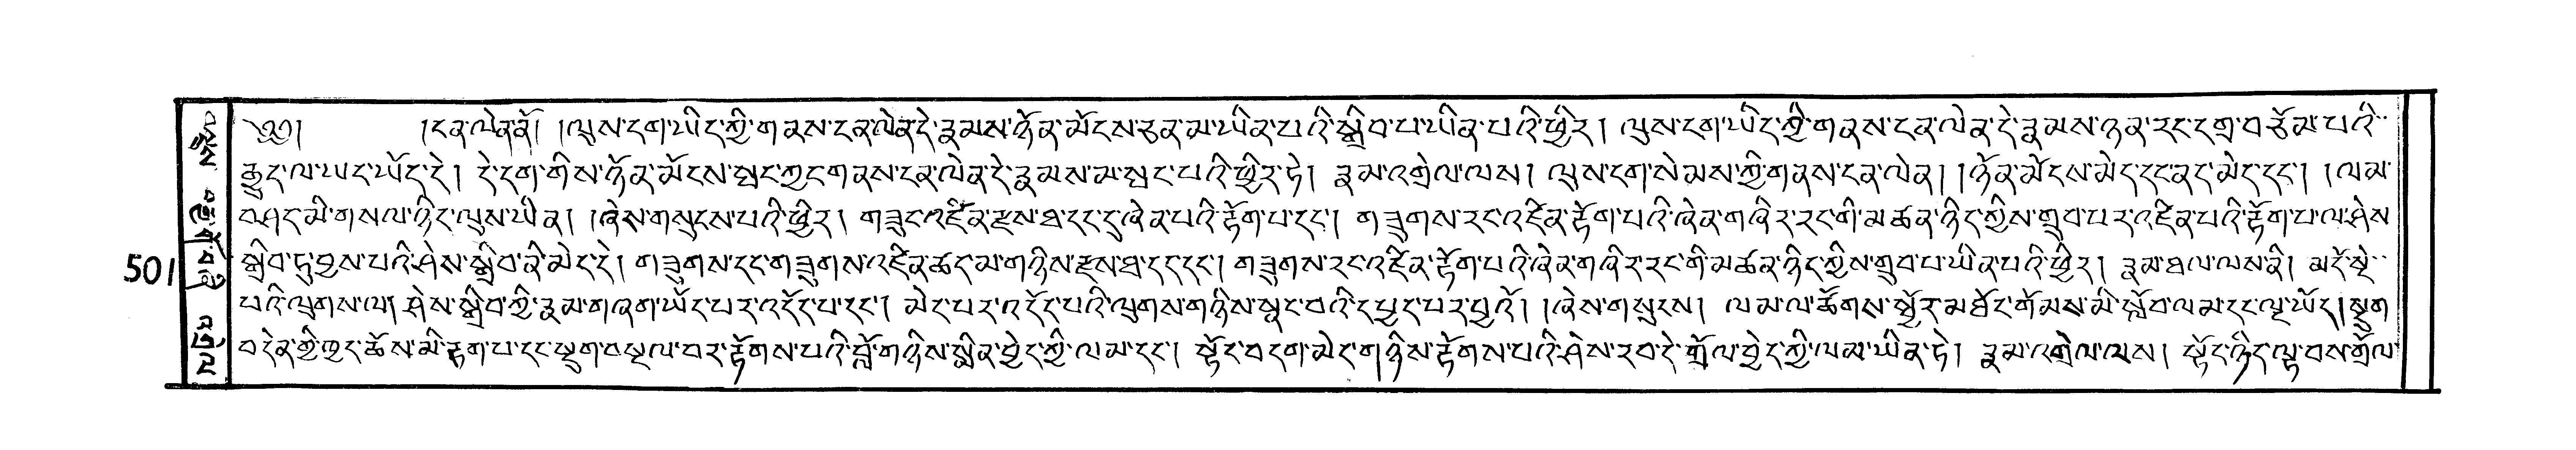༄༅། །ངན་ལེན་ནོ། །ལུས་ངག་ཡིད་ཀྱི་གནས་ངན་ལེན་དེ་རྣམས་ཉོན་མོངས་ཅན་མ་ཡིན་པའི་སྒྲིབ་པ་ཡིན་པའི་ཕྱིར། ལུས་ངག་ཡིད་ཀྱི་གནས་ངན་ལེན་དེ་རྣམས་ཉན་རང་དགྲ་བཅོམ་པའི་
རྒྱུད་ལ་ཡང་ཡོད་དེ། དེ་དག་གིས་ཉོན་མོངས་སྤང་ཀྱང་གནས་ངན་ལེན་དེ་རྣམས་མ་སྤང་པའི་ཕྱིར་ཏེ། རྣམ་འགྲེལ་ལས། ལུས་ངག་སེམས་ཀྱི་གནས་ངན་ལེན། །ཉོན་མོངས་མེད་དང་ནད་མེད་དང་། །ལམ་
བཤད་མི་གསལ་ཉིད་ལུས་ཡིན། །ཞེས་གསུངས་པའི་ཕྱིར། གཟུང་འཛིན་རྫས་ཐ་དད་དུ་ཞེན་པའི་རྟོག་པ་དང་། གཟུགས་རང་འཛིན་རྟོག་པའི་ཞེན་གཞིར་རང་གི་མཚན་ཉིད་ཀྱིས་གྲུབ་པར་འཛིན་པའི་རྟོག་པ་ལ་ཤེས་
སྒྲིབ་ཏུ་བྱས་པའི་ཤེས་སྒྲིབ་ནི་མེད་དེ། གཟུགས་དང་གཟུགས་འཛིན་ཚད་མ་གཉིས་རྫས་ཐ་དད་དང་། གཟུགས་རང་འཛིན་རྟོག་པའི་ཞེན་གཞིར་རང་གི་མཚན་ཉིད་ཀྱིས་གྲུབ་པ་ཡིན་པའི་ཕྱིར། རྣམ་ཐལ་ལས་ནི། མདོ་སྡེ་
པའི་ལུགས་ལ། ཤེས་སྒྲིབ་ཀྱི་རྣམ་གཞག་ཡོད་པར་འདོད་པ་དང་། མེད་པར་འདོད་པའི་ལུགས་གཉིས་སྣང་བའི་དཔྱད་པར་བྱའོ། །ཞེས་གསུངས། ལམ་ལ་ཚོགས་སྦྱོར་མཐོང་གོམས་མི་སློབ་ལམ་དང་ལྔ་ཡོད། སྡུག་
བདེན་གྱི་ཁྱད་ཆོས་མི་རྟག་པ་དང་སྡུག་བསྔལ་བར་རྟོགས་པའི་བློ་གཉིས་སྨིན་བྱེད་ཀྱི་ལམ་དང་། སྟོང་བདག་མེད་གཉིས་རྟོགས་པའི་ཤེས་རབ་དེ་གྲོལ་བྱེད་ཀྱི་ལམ་ཡིན་ཏེ། རྣམ་འགྲེལ་ལས། སྟོང་ཉིད་ལྟ་བས་གྲོལ་